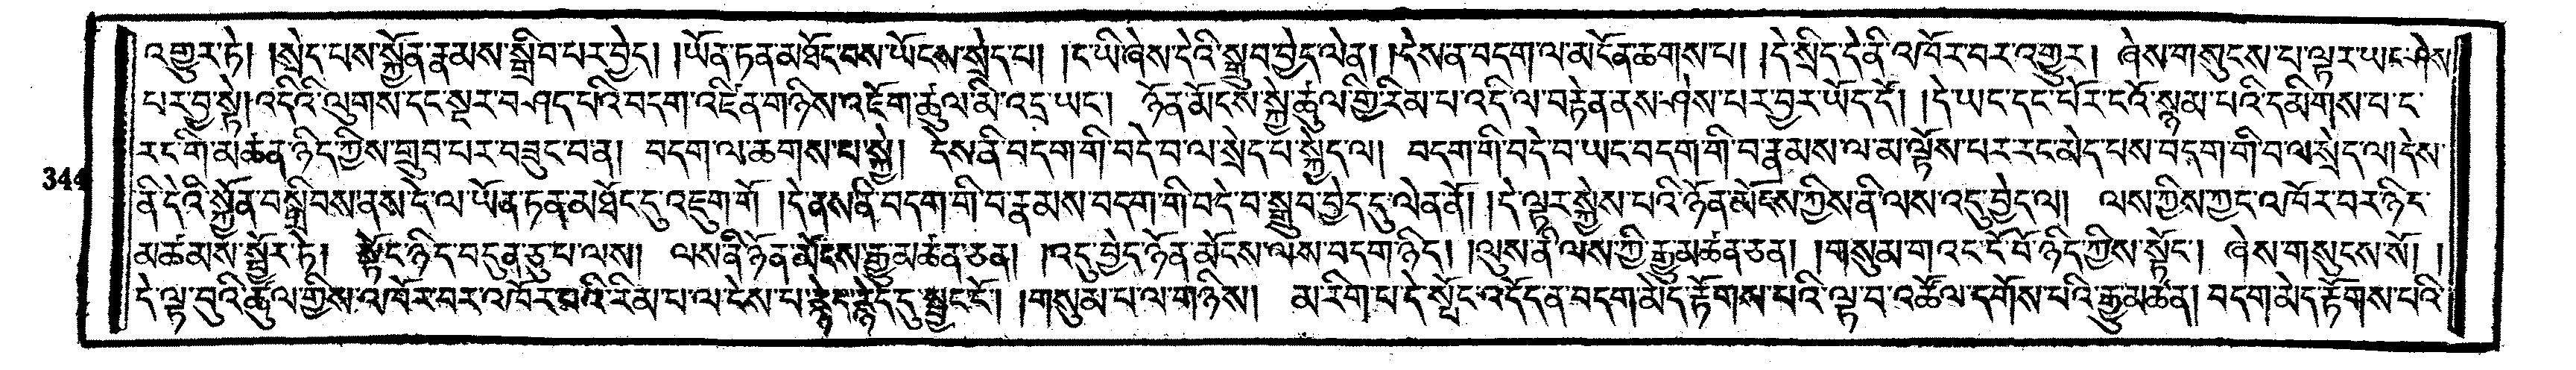འགྱུར་ཏེ། །སྲེད་པས་སྐྱོན་རྣམས་སྒྲིབ་པར་བྱེད། །ཡོན་ཏན་མཐོང་བས་ཡོངས་སྲེད་པ། །ང་ཡི་ཞེས་དེའི་སྒྲུབ་བྱེད་ལེན། །དེས་ན་བདག་ལ་མངོན་ཆགས་པ། །དེ་སྲིད་དེ་ནི་འཁོར་བར་འགྱུར། ཞེས་གསུངས་པ་ལྟར་ཡང་ཤེས་
པར་བྱ་སྟེ། འདིའི་ལུགས་དང་སྔར་བཤད་པའི་བདག་འཛིན་གཉིས་འཇོག་ཚུལ་མི་འདྲ་ཡང་། ཉོན་མོངས་སྐྱེ་ཚུལ་གྱི་རིམ་པ་འདི་ལ་བརྟེན་ནས་ཤེས་པར་བྱར་ཡོད་དོ། །དེ་ཡང་དང་པོར་ངའོ་སྙམ་པའི་དམིགས་པ་ང་
རང་གི་མཚན་ཉིད་ཀྱིས་གྲུབ་པར་བཟུང་བ་ན། བདག་ལ་ཆགས་པ་སྐྱེ། དེས་ནི་བདག་གི་བདེ་བ་ལ་སྲེད་པ་སྐྱེད་ལ། བདག་གི་བདེ་བ་ཡང་བདག་གི་བ་རྣམས་ལ་མ་ལྟོས་པར་རང་མེད་པས་བདག་གི་བ་ལ་སྲིད་ལ། དེས་
ནི་དེའི་སྐྱོན་བསྒྲིབས་ནས་དེ་ལ་ཡོན་ཏན་མཐོང་དུ་འཇུག་གོ །དེ་ནས་ནི་བདག་གི་བ་རྣམས་བདག་གི་བདེ་བ་སྒྲུབ་བྱེད་དུ་ལེན་ནོ། །དེ་ལྟར་སྐྱེས་པའི་ཉོན་མོངས་ཀྱིས་ནི་ལས་འདུ་བྱེད་ལ། ལས་ཀྱིས་ཀྱང་འཁོར་བར་ཉིད་
མཚམས་སྦྱོར་ཏེ། སྟོང་ཉིད་བདུན་ཅུ་པ་ལས། ལས་ནི་ཉོན་མོངས་རྒྱུ་མཚན་ཅན། །འདུ་བྱེད་ཉོན་མོངས་ལས་བདག་ཉིད། །ལུས་ནི་ལས་ཀྱི་རྒྱུ་མཚན་ཅན། །འདུ་བྱེད་ཉོན་མོངས་ལས་བདག་ཉིད། །ལུས་ནི་ལས་ཀྱི་རྒྱུ་མཚན་ཅན། །གསུམ་གཱང་ངོ་བོ་ཉིད་ཀྱི་སྟོང་། ཞེས་གསུངས་སོ། །
དེ་ལྟ་བུའི་ཚུལ་གྱིས་འཁོར་བར་འཁོར་བའི་རིམ་པ་ལ་ངེས་པ་རྙེད་རྙེད་དུ་སྦྱང་ངོ། །གསུམ་པ་ལ་གཉིས། མ་རིག་པ་དེ་སྤོང་འདོད་ན་བདག་མེད་རྟོགས་པའི་ལྟ་བ་འཚོལ་དགོས་པའི་རྒྱུ་མཚན། བདག་མེད་རྟོགས་པའི་